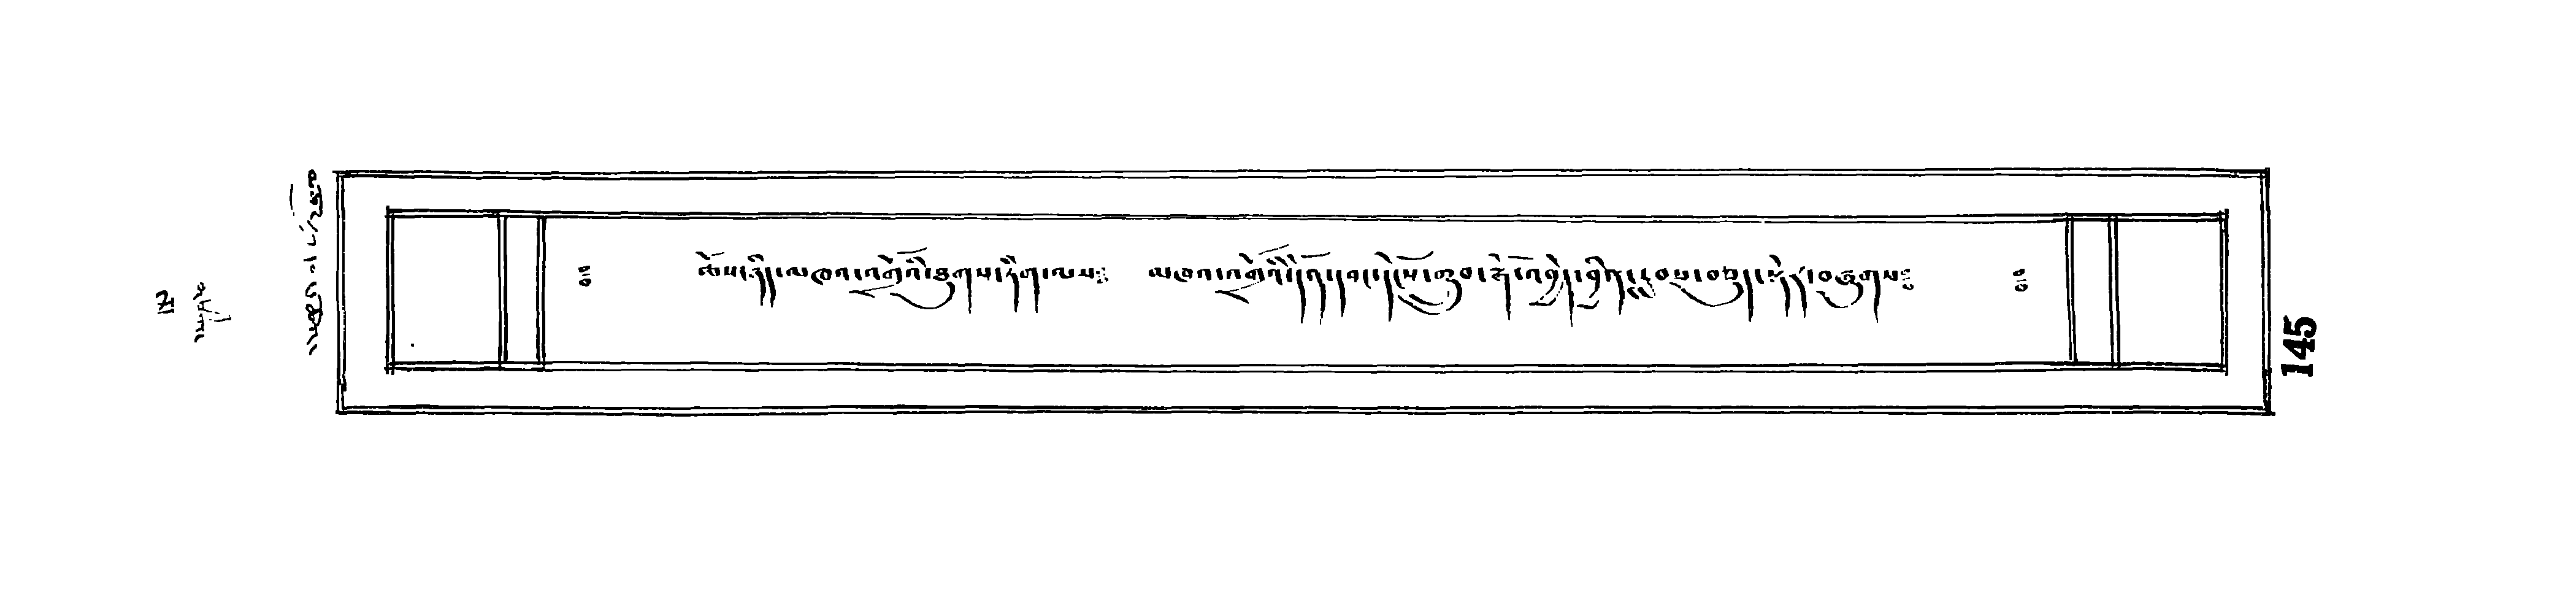ཆོས་ཉིད་མཁའ་འགྲོའི་ཐུགས་ཏིག་ལས༔ མཁའ་འགྲོའི་དོན་དབང་དངོས་གྲུབ་སྒོ་འབྱེད་བྱིན་རླབས་བཅུད་སྟེར་བཞུགས༔